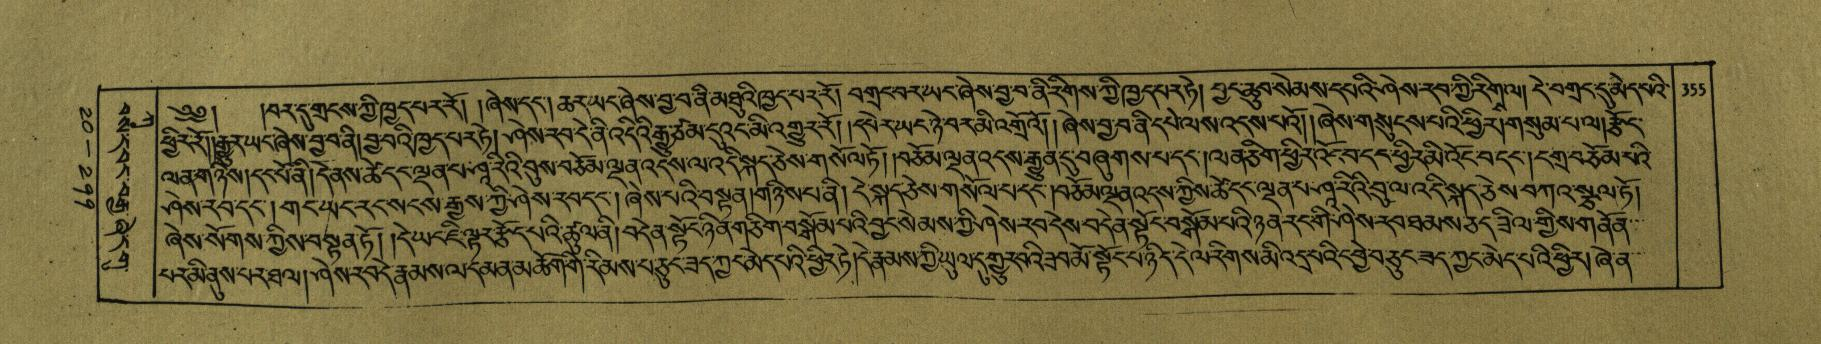༄༅། །བར་དུ་གྲངས་ཀྱི་ཁྱད་པར་རོ། །ཞེས་དང་། ཆར་ཡང་ཞེས་བྱ་བ་ནི་མཐུའི་ཁྱད་པར་རོ། བགྲང་བར་ཡང་ཞེས་བྱ་བ་ནི་རིགས་ཀྱི་ཁྱད་པར་ཏེ། བྱང་ཆུབ་སེམས་དཔའི་ཤེས་རབ་ཀྱི་རིགས་ལ། དེ་བགྲང་དུ་མེད་པའི་
ཕྱིར་རོ། །རྒྱུར་ཡང་ཞེས་བྱ་བ་ནི། བྱ་བའི་ཁྱད་པར་ཏེ། ཤེས་རབ་དེ་ནི་འདིའི་རྒྱུ་ཙམ་དུའང་མི་འགྱུར་རོ། །དཔེར་ཡང་ཉེ་བར་མི་འགྲོའོ། །ཞེས་བྱ་བ་ནི་དཔེ་ལས་འདས་པའོ། །ཞེས་གསུངས་པའི་ཕྱིར། གསུམ་པ་ལ། རྩོད་
ལན་གཉིས། དང་པོ་ནི། དེ་ནས་ཚེ་དང་ལྡན་པ་ཤཱ་རིའི་བུས་བཅོམ་ལྡན་འདས་ལ་འདི་སྐད་ཅེས་གསོལ་ཏོ། །བཅོམ་ལྡན་འདས་རྒྱུན་དུ་བཞུགས་པ་དང་། ལན་ཅིག་ཕྱིར་འོང་བ་དང་ཕྱིར་མི་འོང་བ་དང་། དགྲ་བཅོམ་པའི་
ཤེས་རབ་དང་། གང་ཡང་རང་སངས་རྒྱས་ཀྱི་ཤེས་རབ་དང་། ཞེས་པའི་བསྟན་།གཉིས་པ་ནི། དེ་སྐད་ཅེས་གསོལ་པ་དང་། བཅོམ་ལྡན་འདས་ཀྱིས་ཚེ་དང་ལྡན་པ་ཤཱ་རིའི་བུ་ལ་འདི་སྐད་ཅེས་བཀའ་སྩལ་ཏོ།
ཞེས་སོགས་ཀྱིས་བསྟན་ཏོ། །དེ་ཡང་ཇི་ལྟར་རྩོད་པའི་ཚུལ་ནི། བདེན་སྟོང་ཉིན་གཅིག་བསྒོམ་པའི་བྱང་སེམས་ཀྱི་ཤེས་རབ་དེས་བདེན་སྟོང་བསྒོམ་པའི་ཉན་རང་གི་ཤེས་རབ་ཐམས་ཅད་ཟིལ་གྱིས་གནོན་
པར་མི་ནུས་པར་ཐལ། ཤེས་རབ་དེ་རྣམས་ལ་དམན་མཆོག་གི་རིམས་པ་ཅུང་ཟད་ཀྱང་མེད་པའི་ཕྱིར་ཏེ། དེ་རྣམས་ཀྱི་ཡུལ་དུ་གྱུར་བའི་ཟབ་མོ་སྟོང་པ་ཉིད་དེ་ལ་རིགས་མི་འདྲ་པའི་དབྱེ་བ་ཅུང་ཟད་ཀྱང་མེད་པའི་ཕྱིར། ཞེ་ན་